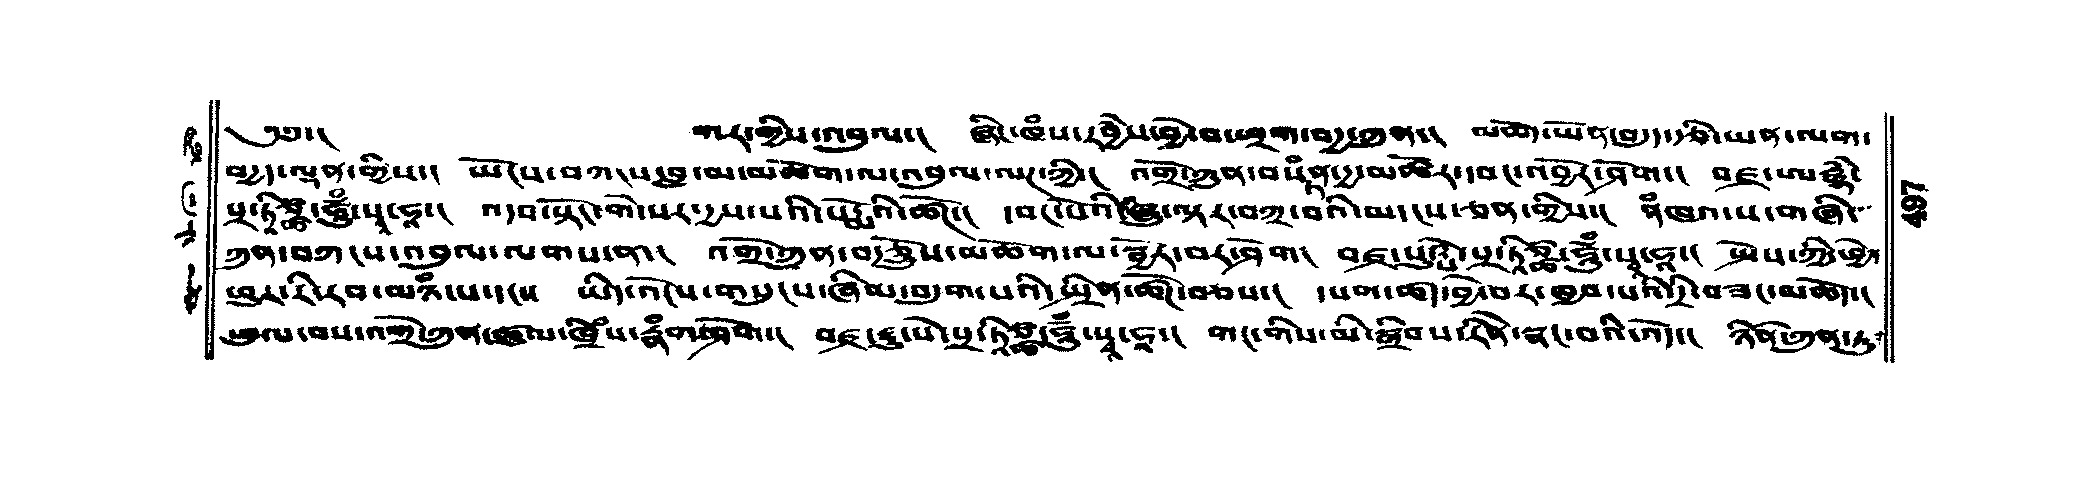གར་གྱིས་འབུལ། །ཞིང་ཁམས་རབ་འབྱམས་བྱེ་བ་ཁྲག་བརྒྱ་ཀུན། །མཆོད་ཡོན་བདུད་རྩི་ཡན་ལག་
བརྒྱད་ལྡན་གྱིས། །ཡོངས་བཀང་བླ་མ་མཆོག་ལ་འབུལ་ལགས་ཀྱི། །འགྲོ་ཀུན་བསམ་གཏན་རྒྱ་མཚོར་དབང་འབྱོར་ཤོག་།བཛྲ་ཨགྷཾ་
པྲ་ཏིའཙྪ་ཧཱུྂ་སྭཱ་ཧཱ། འདབ་སྟོང་གེ་སར་རྒྱས་པའི་པདྨོའི་ཚོགས། །དབང་པོའི་གཞུ་ལྟར་བཀྲ་བའི་མདངས་ཅན་གྱིས། །ནམ་མཁའ་ས་གཞི་
ཀུན་བཀང་འབུལ་ལགས་ན། །འགྲོ་ཀུན་བརྩོན་འགྲུས་མཆོག་ལ་སྦྱོར་བར་ཤོག་།བཛྲ་པུཥྤེ་པྲ་ཏཱིཙྪ་སྭཱ་ཧཱ།སྤོས་ཀྱི་ཕྱེ་
ཕུལ་རི་རབ་མཉམ་པ་དང་། །ཡིད་འོང་བསྲུང་ཞིམ་བདུག་པའི་སྤྲིན་ཚོགས་བཅས། །དཔག་ཚད་བྱེ་བར་ཁྱབ་པའི་དྲི་བཟང་མཆོད། །
ཕུལ་བས་འགྲོ་ཀུན་ཚུལ་ཁྲིམས་རྣམ་དག་ཤོག་ བཛྲ་དྷུ་པེ་པྲ་ཏཱིཙྪ་སྭཱ་ཧཱ། གང་གིས་མི་སྒྲིབས་རིན་ཆེན་སྣང་བའི་འོད། །ཉིན་མཚན་ཀུན་དུ་